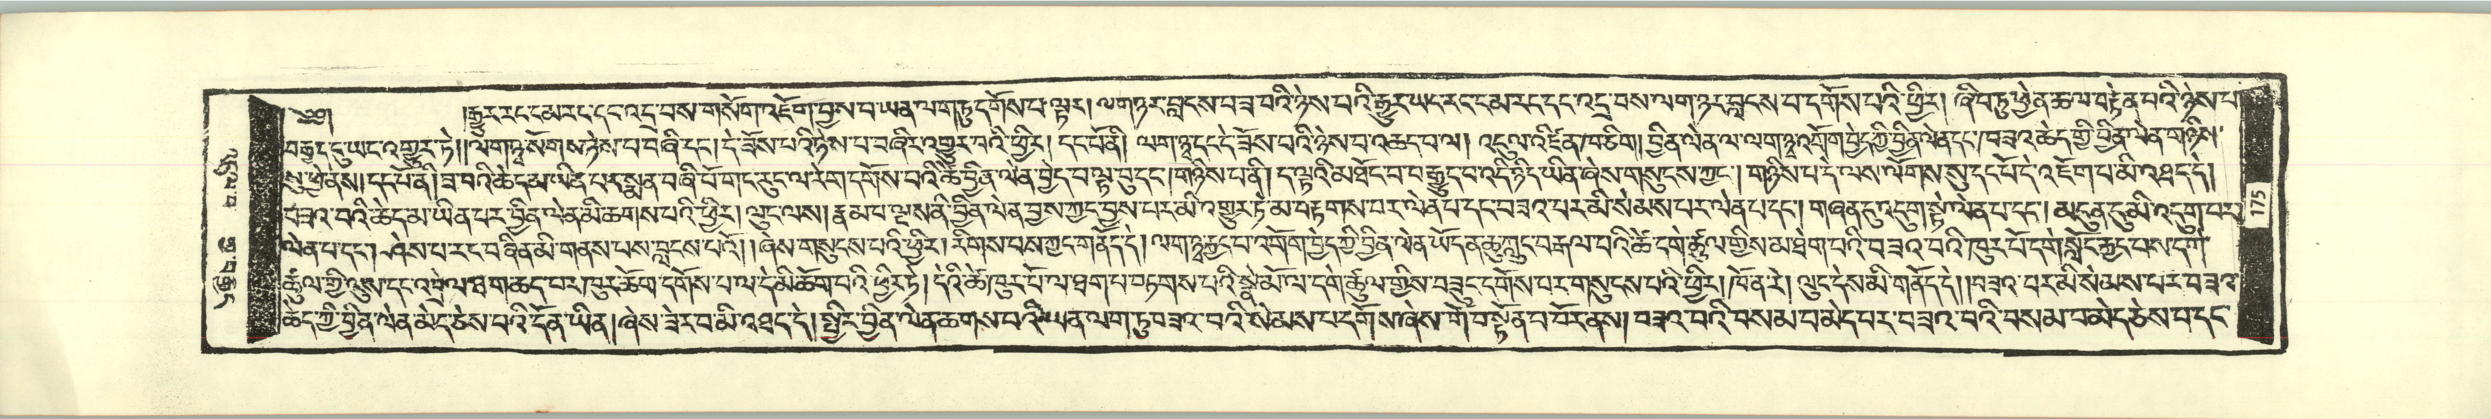༄༅། །རྒྱུར་རང་ངམ་རང་དང་འདྲ་བས་གསོག་འཇོག་བྱས་པ་ཡན་ལག་ཏུ་དགོས་པ་ལྟར། ?་གཉར་བླངས་པ་ཟ་བའི་ཉེས་པའི་རྒྱུར་ཡང་རང་ངམ་རང་དང་འདྲ་བས་ལག་ཉར་བླངས་པ་དགོས་པའི་ཕྱིར། ཞིབ་ཏུ་ཕྱེན་ཆལ་བརྟེན་པའི་ཉེས་པ་
བརྒྱད་དུ་ཡང་འགྱུར་ཏེ། །ལག་ཉྭ་སོགས་ཉེས་པ་བཞི་དང་། དེ་ཟོས་པའི་ཉེས་པ་བཞིར་འགྱུར་བའི་ཕྱིར། དང་པོ་ནི། ལག་ཉྭ་དང་དེ་ཟོས་པའི་ཉེས་བ་འཆད་པ་ལ། འདུལ་འཛིན་ཁ་ཅིག །བྱིན་ལེན་ལ་ལག་ཉྭ་འགོག་བྱེད་ཀྱི་བྱིན་ལེན་དང་། བཟའ་ཆེད་གྱི་བྱིན་ལེན་གཉིས་
སུ་ཕྱེ་ནས། དང་པོ་ནི། ཟ་བའི་ཆེད་མ་ཡིན་པར་སྨན་བཞི་པོ་གང་རུང་ལ་རེག་དགོས་པའི་ཚེ་བྱིན་ལེན་བྱེད་པ་ལྟ་བུ་དང་། གཉིས་པ་ནི། ད་ལྟའི་མཐོང་བ་བརྒྱུད་པ་འདི་ཉིད་ཡིན་ཞེས་གསུངས་ཀྱང་། གཉིས་པ་དེ་ལས་ལོགས་སུ་དང་པོ་དེ་འཇོག་པ་མི་འཐད་དེ།
བཟའ་བའི་ཆེད་མ་ཡིན་པར་བྱིན་ལེན་མི་ཆགས་པའི་ཕྱིར། ལུང་ལས། རྣམ་པ་ལྔས་ནི་བྱིན་ལེན་བྱས་ཀྱང་བྱས་པར་མི་འགྱུར་ཏེ་མ་བརྟགས་པར་ལེན་པ་དང་བཟའ་པར་མི་སེམས་པར་ལེན་པ་དང་། གཞན་དུ་འདུག་སྟེ་ལེན་པ་དང་། མདུན་དུ་མི་འདུག་པར་
ལེན་པ་དང་། ཤེས་པ་རང་བཞིན་མི་གནས་པས་བླངས་པའོ། །ཞེས་གསུངས་པའི་ཕྱིར། རིགས་པས་ཀྱང་གནོད་དེ། ལག་ཉྭ་རྐྱང་པ་འགོག་བྱེད་ཀྱི་བྱིན་ལེན་ཡོད་ན་ཆུ་ཀླུང་བརྒལ་པའི་ཚེ་དགེ་ཚུལ་གྱིས་མ་ཐེག་པའི་བཟའ་བའི་ཁུར་པོ་དགེ་སློང་རྐྱང་པས་དགེ་
ཚུལ་གྱི་ལུས་དང་འབྲེལ་ཐག་ཆད་པར་ཁུར་ཆོག་དགོས་པ་ལ་དེ་མི་ཆོག་པའི་ཕྱིར་ཏེ། དེའི་ཚེ་ཁུར་པོ་ལ་ཐག་པ་བཏགས་པའི་སྣེ་མོ་ལ་དགེ་ཚུལ་གྱིས་བཟུང་དགོས་པར་གསུངས་པའི་ཕྱིར། ཁོ་ན་རེ། ལུང་དེས་མི་གནོད་དེ། །བཟའ་བར་མི་སེམས་པར་བཟའ་
ཆེད་ཀྱི་བྱིན་ལེན་མེད་ཅེས་པའི་དོན་ཡིན། ཞེས་ཟེར་བ་མི་འཐད་དེ། སྤྱིར་བྱིན་ལེན་ཆགས་པའི་ཡན་ལག་ཏུ་བཟའ་བའི་སེམས་པ་དགོས་ཞེས་གོ་བ་སྟོན་པ་བོར་ནས། བཟའ་བའི་བསམ་པ་མེད་པར་བཟའ་བའི་བསམ་པ་མེད་ཅེས་པ་དང་